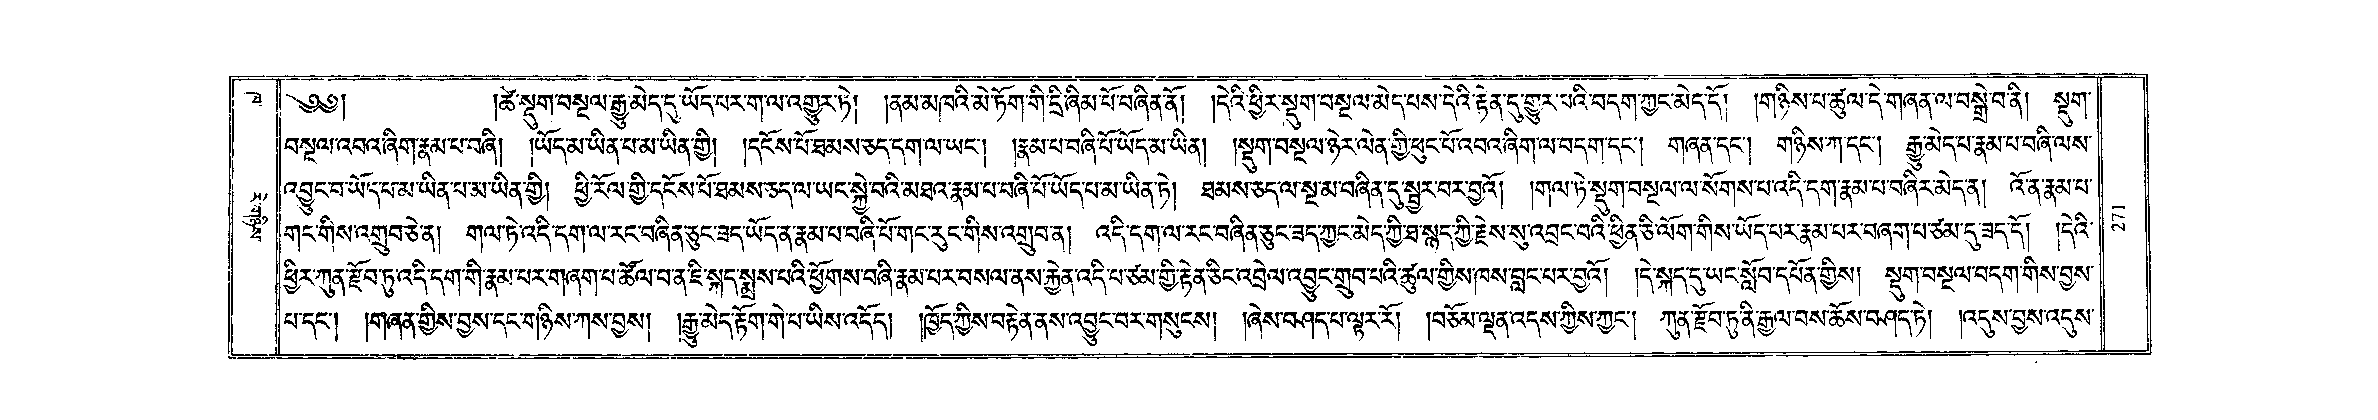༄༅། །ཚེ་སྡུག་བསྔལ་རྒྱུ་མེད་དུ་ཡོད་པར་ག་ལ་འགྱུར་ཏེ། །ནམ་མཁའི་མེ་ཏོག་གི་དྲི་ཞིམ་པོ་བཞིན་ནོ། །དེའི་ཕྱིར་སྡུག་བསྔལ་མེད་པས་དེའི་རྟེན་དུ་གྱུར་པའི་བདག་ཀྱང་མེད་དོ། །གཉིས་པ་ཚུལ་དེ་གཞན་ལ་བསྒྲེ་བ་ནི། སྡུག་
བསྔལ་འབའ་ཞིག་རྣམ་པ་བཞི། །ཡོད་མ་ཡིན་པ་མ་ཡིན་གྱི། །དངོས་པོ་ཐམས་ཅད་དག་ལ་ཡང་། །རྣམ་པ་བཞི་པོ་ཡོད་མ་ཡིན། །སྡུག་བསྔལ་ཉེར་ལེན་གྱི་ཕུང་པོ་འབའ་ཞིག་ལ་བདག་དང་། གཞན་དང་། གཉིས་ཀ་དང་། རྒྱུ་མེད་པ་རྣམ་པ་བཞི་ལས་
འབྱུང་བ་ཡོད་པ་མ་ཡིན་པ་མ་ཡིན་གྱི། ཕྱི་རོལ་གྱི་དངོས་པོ་ཐམས་ཅད་ལ་ཡང་སྐྱེ་བའི་མཐའ་རྣམ་པ་བཞི་པོ་ཡོད་པ་མ་ཡིན་ཏེ། ཐམས་ཅད་ལ་སྔ་མ་བཞིན་དུ་སྦྱར་བར་བྱའོ། །གལ་ཏེ་སྡུག་བསྔལ་ལ་སོགས་པ་འདི་དག་རྣམ་པ་བཞིར་མེད་ན། འོ་ན་རྣམ་པ་
གང་གིས་འགྲུབ་ཅེ་ན། གལ་ཏེ་འདི་དག་ལ་རང་བཞིན་ཅུང་ཟད་ཡོད་ན་རྣམ་པ་བཞི་པོ་གང་རུང་གིས་འགྲུབ་ན། འདི་དག་ལ་རང་བཞིན་ཅུང་ཟད་ཀྱང་མེད་ཀྱི་ཐ་སྙད་ཀྱི་རྗེས་སུ་འབྲང་བའི་ཕྱིན་ཅི་ལོག་གིས་ཡོད་པར་རྣམ་པར་བཞག་པ་ཙམ་དུ་ཟད་དོ། །དེའི་
ཕྱིར་ཀུན་རྫོབ་ཏུ་འདི་དག་གི་རྣམ་པར་གཞག་པ་ཚོལ་བ་ན་ཇི་སྐད་སྨྲས་པའི་ཕྱོགས་བཞི་རྣམ་པར་བསལ་ནས་རྐྱེན་འདི་པ་ཙམ་གྱི་རྟེན་ཅིང་འབྲེལ་འབྱུང་གྲུབ་པའི་ཚུལ་གྱིས་ཁས་བླང་པར་བྱའོ། །དེ་སྐད་དུ་ཡང་སློབ་དཔོན་གྱིས། སྡུག་བསྔལ་བདག་གིས་བྱས་
པ་དང་། །གཞན་གྱིས་བྱས་དང་གཉིས་ཀས་བྱས། །རྒྱུ་མེད་རྟོག་གེ་པ་ཡིས་འདོད། །ཁྱོད་ཀྱིས་བརྟེན་ནས་འབྱུང་བར་གསུངས། །ཞེས་བཤད་པ་ལྟར་རོ། །བཅོམ་ལྡན་འདས་ཀྱིས་ཀྱང་། ཀུན་རྫོབ་ཏུ་ནི་རྒྱལ་བས་ཆོས་བཤད་ཏེ། །འདུས་བྱས་འདུས་